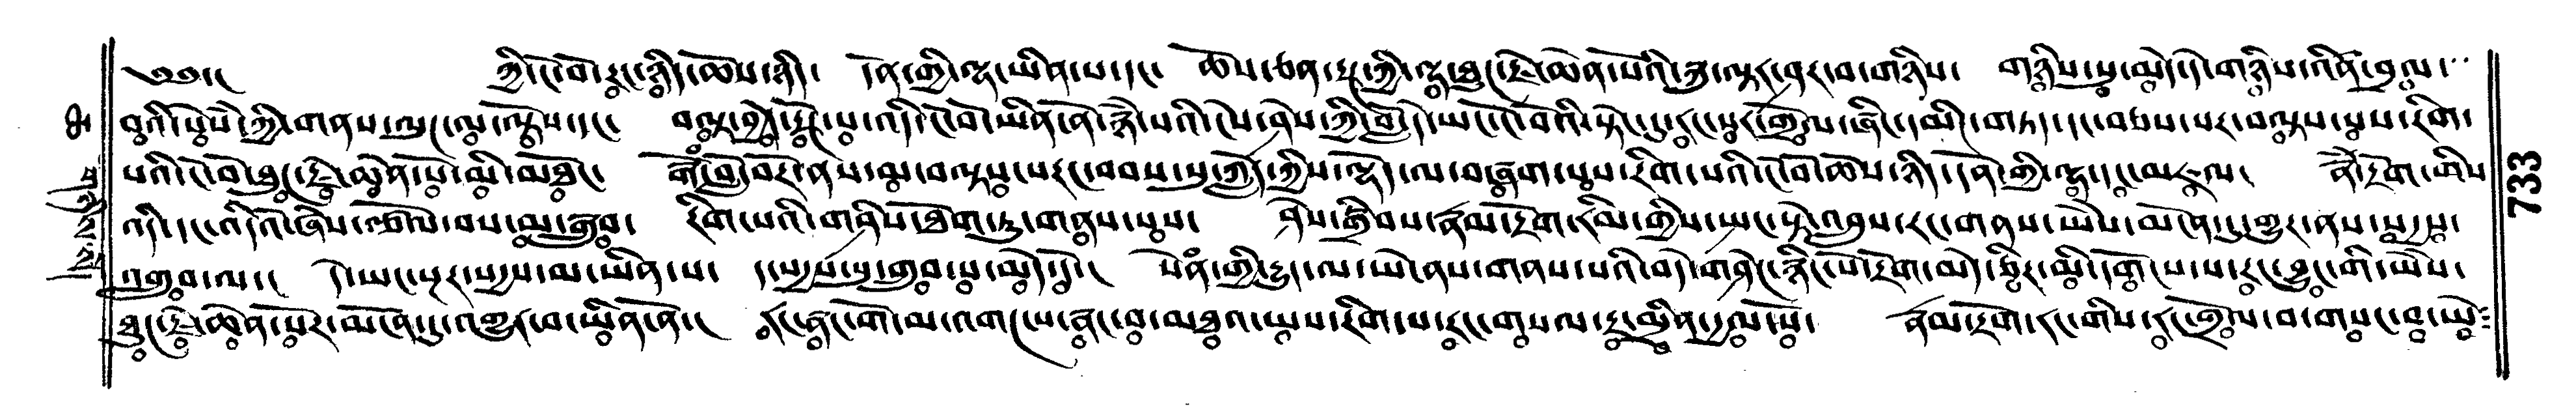ཀྱི་ངོ་བོ་རང་ཉིད་ཆོས་ཉིད་དོན་གྱི་ལྷ་ཡིན་པ་དང་། ཆོས་ཅན་རྟགས་ཀྱི་ལྷ་ཐུགས་རྗེ་ཆེན་པོའི་སྐུ་ལྟར་ཤར་བ་གཉིས། གཉིས་སུ་མེད་དེ་གཉིས་འཛིན་བྲལ་
བའི་སེམས་ཀྱི་གནས་ལུགས་ལ་ལྟོས་དང་། བལྟ་བྱེད་རྟོགས་པ་འདི་ངོ་བོ་ཡིན་ནོ་སྙམ་པའི་ངེས་ཤེས་ཀྱི་བློ་དེ་ཡང་ངོ་བོའི་སྟེང་དུ་རང་སར་གྲོལ་ཞིང་དམིགས་གཏད་དང་བཅས་པར་བལྟས་པས་རིག་
པའི་ངོ་བོ་ཐུགས་རྗེ་ཆེན་པོ་མི་མཐོང་། སྒོམ་བློ་བོར་ནས་མ་བལྟས་པར་རང་བབས་སུ་ ( ལྷོད་ ?) ཀྱིས་( གློད་ ? ) ལ་བཞག་པས་རིག་པའི་ངོ་བོ་ཆོས་ཉིད་དོན་གྱི་ལྷ་དང་མཇལ། རྣམ་རྟོག་གིས་
འདི་དང་འདིའོ་ཞེས་རྩོལ་བས་མ་སྒྲུབ། རིག་པའི་གཤིས་ཐོག་ཏུ་གནས་པས། ཤེས་སྒྲིབ་རྣམ་རྟོག་རིམ་གྱིས་སྤངས་ཏེ་འབྲས་བུ་རང་གནས་ཡེ་ཤེས་མངོན་དུ་གྱུར་ནས་སངས་རྒྱས་
འགྲུབ་ལ། དེ་ཡང་སྔར་སངས་རྒྱས་མ་ཡིན་པ། ད་སངས་རྒྱས་སུ་སྒྲུབ་པ་མེད་དོ། སེམས་ཅན་གྱི་རྒྱུད་ལ་ཡེ་ནས་གནས་པའི་བདེ་གཤེགས་སྙིང་པོ་རྟོག་མེད་ཅིར་མི་དགོངས་པ་རང་བྱུང་གི་ཡེ་ཤེས་
ཐུགས་རྗེ་ཆེན་པོར་མངོན་དུ་འགྱུར་བ་ཡིན་ནོ། རང་སྣང་གོ་མ་འགགས་པ་སྣང་བ་མཐའ་ཡས། རིག་པ་རང་གསལ་རྟ་མགྲིན་རྒྱལ་པོ། རྣམ་རྟོག་རང་གིས་རང་གྲོལ་བ་གསང་བ་ཡེ་